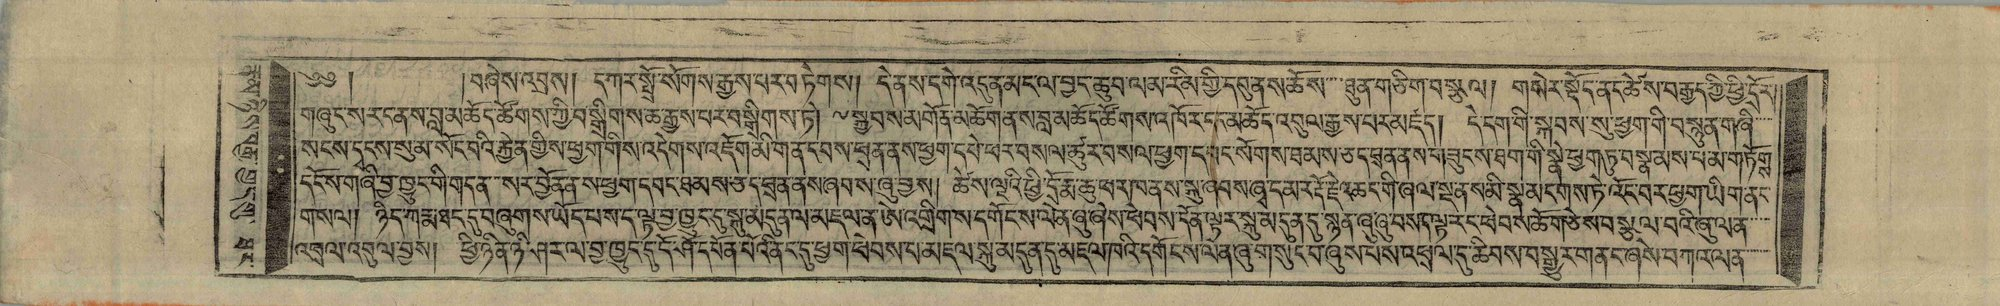༄༅། །བཞེས་འབྲས། དཀར་སྤྲོ་སོགས་རྒྱས་པར་བཏེགས། དེ་ནས་དགེ་འདུན་མང་ལ་བྱང་ཆུབ་ལམ་རིམ་གྱི་དབུ་ནས་ཆོས་ཐུན་གཅིག་བསྩལ། གསེར་སྡོད་ནང་ཚེས་བརྒྱད་ཀྱི་ཕྱི་དྲོར།
གཞུང་ས་རང་ནས་བླ་མཆོད་ཚོགས་ཀྱི་བསྒྲིགས་ཆ་རྒྱས་པར་བསྒྲིགས་ཏེ། ༧སྐྱབས་མགོན་མཆོག་ནས་བླ་མཆོད་ཚོགས་འཁོར་དང་མཆོད་འབུལ་རྒྱས་པར་མཛད། དེ་དག་གི་སྐབས་སུ་ཕྱག་གི་བསྙུན་གཞི་
སངས་དྭངས་སུམ་སོང་བའི་རྐྱེན་གྱིས་ཕྱག་གིས་འདེགས་འཇོག་མི་གནང་བས་ཕྲན་ནས་ཕྱག་དཔེ་ཕར་བསལ་ཚུར་བསལ་ཕྱག་དབང་སོགས་ཐམས་ཅད་ཕྲན་ནས་གཟུངས་ཐག་གི་སྣེ་ཕྱག་ཏུ་བསྣམས་པ་མ་གཏོགས་
དངོས་གཞི་བྱ་ཁྱུང་གི་གདན་སར་བྱོན་ནས་ཕྱག་དབང་ཐམས་ཅད་ཕྲན་ནས་ཞབས་ཞུ་བྱས། ཚེས་ལྔའི་ཕྱི་དྲོ་རྨ་ཆུ་ཕར་ཁ་ནས་སྐུ་ཞབས་ཞྭ་དམར་རྡོ་རྗེ་འཆང་གི་ཞལ་སྔ་ནས་མི་སྣ་མངགས་ཏེ་འོང་བར་ཕྱག་ཡིག་ནང་
གསལ། ཉིད་ཀརྨ་ཐང་དུ་བཞུགས་ཡོད་པས་ད་ལྟ་བྱ་ཁྱུང་དུ་སྐུ་མདུན་ལ་མཇལ་ན་ཨེ་འགྲིགས་དགོངས་ལེན་ཞུ་ཞེས་ཕེབས་དོན་ལྟར་སྐུ་མདུན་དུ་སྙན་ཞུ་ཞུ་བས་ད་ལྟ་རང་ཕེབས་ཆོག་ཅེས་བསྩལ་བའི་ཞུ་ལན་
འཕྲལ་འབུལ་བྱས། ཕྱི་ཉིན་ཉི་ཤར་ལ་བྱ་ཁྱུང་དུ་དོ་ཤོ་དཔོན་པོའི་ནང་དུ་ཕྱག་ཕེབས་པ་མཇལ་སྐུ་མདུན་དུ་མཇལ་ཁའི་དགོངས་ལེན་ཞུ་གསུང་བ་ཞུས་པས་འཕྲལ་དུ་ཆིབས་བསྒྱུར་གནང་ཞེས་བཀའ་ལན་